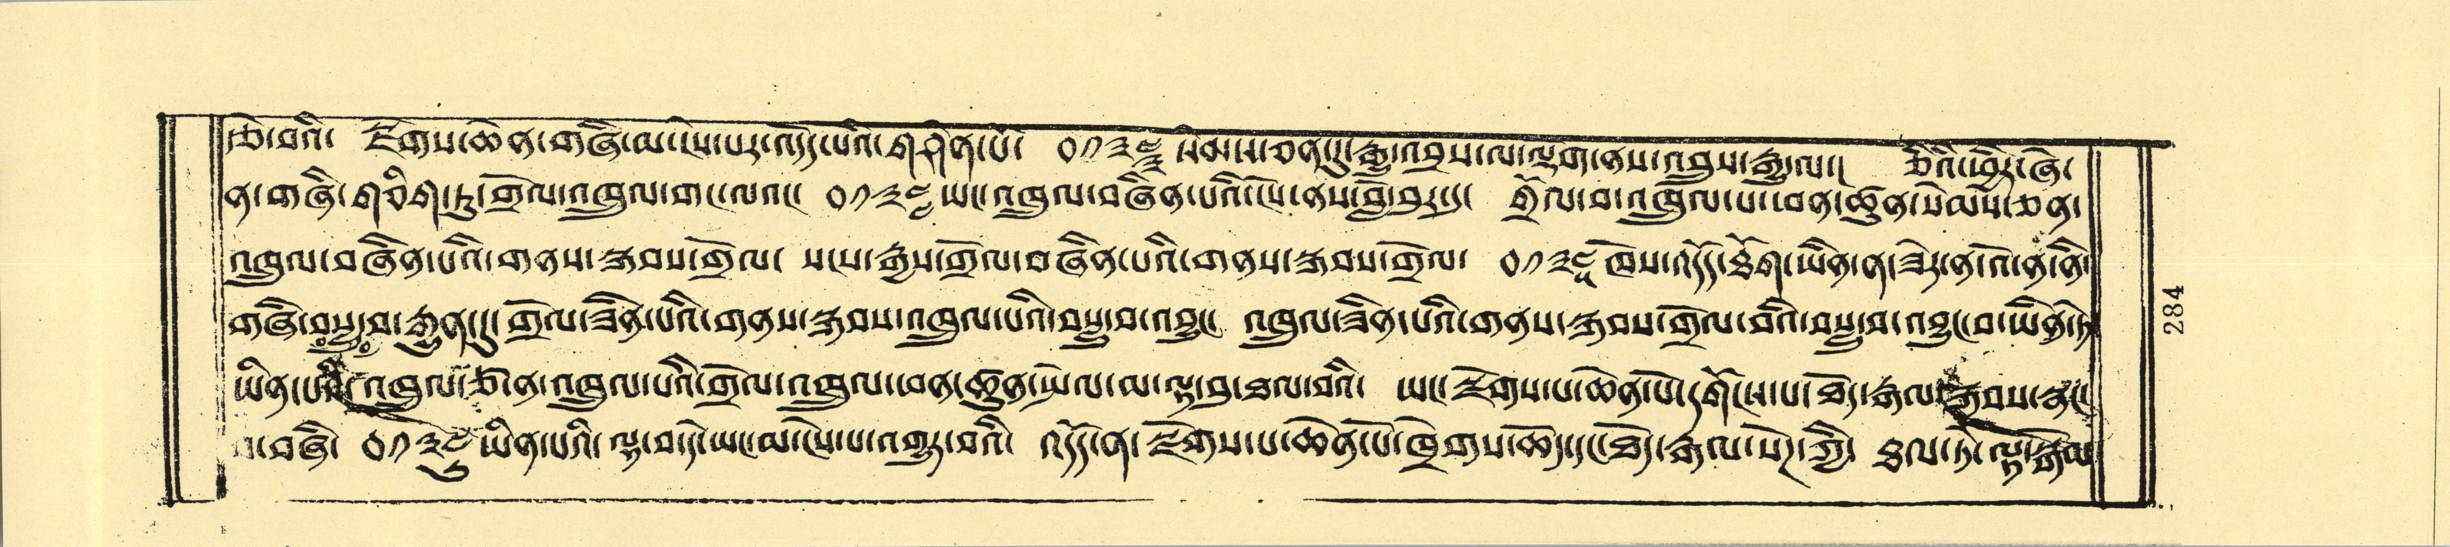རྩེ་བའི། སྫོགས་ཆེན་གཞི་མ་ངེས་པར་འདོད་པའི་ ༼གཤེན་པོ་༽བ༡༣༤།༣ ༼སེམས་ཅན་དུ་༽རྒྱུ་འབྲས་ལ་ལྟག་ནས་འབྲས་བུ་རྒྱུ་ལ། ཅིའི་ཕྱིར་ཞེ་ན་གཞི་ 
༼གཅིག་༽ཏུ་གྲོལ་འཁྲུལ་གང་ལའང། བ༡༣༤།༤ ཡང་འཁྲུལ་བཞིན་པའི་ངོས་ནས་བློ་བུར་དུ། ༼གྲོལ་༽བ་འཁྲུལ་པ་ཕན་ཙུན་སེམས་ཅན་
འཁྲུལ་བཞིན་པའི་གནས་སྐབས་གྲོལ། སངས་རྒྱས་གྲོལ་བཞིན་པའི་གནས་སྐབས་གྲོལ། བ༡༣༤།༥ ཁོས་ ༼འདོད་ཐོག་༽ཡིན་ན་ཟེར་ན་འོ་ན་ནི་
གཞི་བསླུ་བ་ ༼རྒྱུན་དུ་༽གྲོལ་ཟིན་པའི་གནས་སྐབས་འཁྲུལ་པའི་བསླུ་བ་འབྱུང། འཁྲུལ་ཟིན་པའི་གནས་སྐབས་གྲོལ་བའི་བསླུ་བ་འབྱུང་བ་ཡིན་ཏེ་ 
༼ཡིན་པའི་༽འཁྲུལ་ཙ་ན་འཁྲུལ་པའི་གྲོལ་འཁྲུལ་ཕན་ཚུན་སྤེན་མ་ལྟ་བུ་ཐལ་བའི། ༼ཡང་༽སྫོགས་པ་ཆེན་པོ་ ༼དགོངས་པ་༽ཐོད་རྒལ་སྐབས་སྣང་
བ་བཞི། བ༡༣༤།༦ ཡིན་པའི་ལྟ་བ་དེ་ཡང་མ་ངེས་པ་འགྱུར་བའི། ༼འདོད་ན་༽སྫོགས་པ་ཆེན་པོ་ཁྲེགས་ཆོད་དང་ཐོད་རྒལ་སོགས་ཀྱི་ ༼ཐལ་ཏེ་༽ལྟ་སྒོམ་